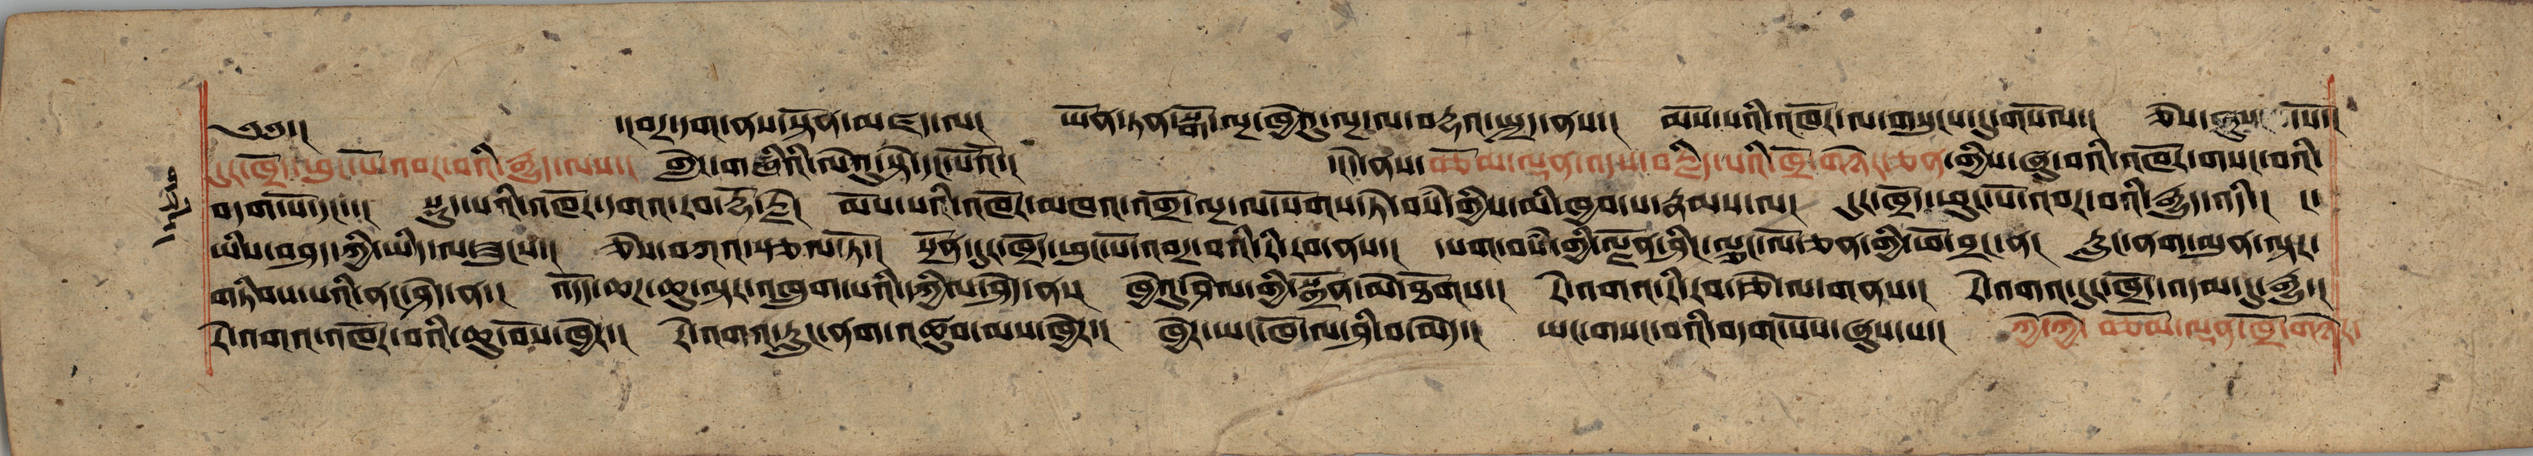༄༅་། ་།བར་དག་ནས་སྟོན་མཛད་ལ། ཡོན་ཏན་སྒོ་ལྔ་ཁྱེའུ་ལྔ་ལ་བདྷའ་སྤྲད་ནས་། མོས་པའི་འཁོར་ལ་གསུངས་དུ་གསོལ་། ཅེས་གསུངས་སོ་།
དུར་ཁྲོད་ཕུང་པོ་འབར་བའི་རྒྱུད་ལས་། གླེང་གཞིའི་ལེའུ་སྟེ་དང་པོའོ་། ་།དེ་ནས་བཅོམ་ལྡན་འདས་བརྗིད་པའི་ཁྲོ་གཉེར་ཅན་གྱིས་ཞུ་བའི་འཁོར་གསང་བའི་
བདག་པོ་དང་་། སྡུད་པའི་འཁོར་དགའ་རབ་རྡོ་རྗེ། མོས་པའི་འཁོར་མཁའ་འགྲོ་ལྔ་ལ་སོགས་ཏེ་བསཾ་གྱིས་མི་ཁྱབ་པ་རྣམས་ལ། དུར་ཁྲོད་ཕུང་པོ་འབར་བའི་རྒྱུད་འདི་། ང
ཡིས་བཤད་ཀྱི་ཡིད་ལ་ཟུངས་། ཅེས་བཀའ་སྩལ་ཏོ་། སྔོན་དུར་ཁྲོད་ཕུང་པོ་འབར་བའི་རི་རབ་གནས་། དཔག་བསཾ་ལྗོན་ཤིང་ལྕང་ལོ་ཅན་གྱི་ཕོ་བྲང་ན། རླུང་ནག་མུན་ལྟར་
གཏིབས་པའི་ནང་ཤེད་ན་། འདོད་ཆཌ་ཆུ་ལྟར་འཁྲུག་པའི་དཀྱིལ་ཤེད་ན་། ཁྱེའུ་ཤེལ་གྱི་སྒྲོན་མེ་ཐོགས་། རེ་འགའ་རི་རབ་རྩེ་ལ་གནས་། རེ་འགའ་དུར་ཁྲོད་འདམ་དུ་རྒྱུ་།
རེ་འགའ་འཁོར་བའི་ཆུ་བོས་ཁྱེར་། རེ་འགའ་རླུང་ནག་འཚུབ་མས་ཁྱེར་། ཁྱེར་ཡང་ཁོ་ལ་ཤི་བ་མེད་། ཡང་གསང་བའི་བདག་པོས་ཞུས་པ་། ཀྱེ་ཀྱེ་ བཅོམ་ལྡན་ཁྲོ་གཉེར